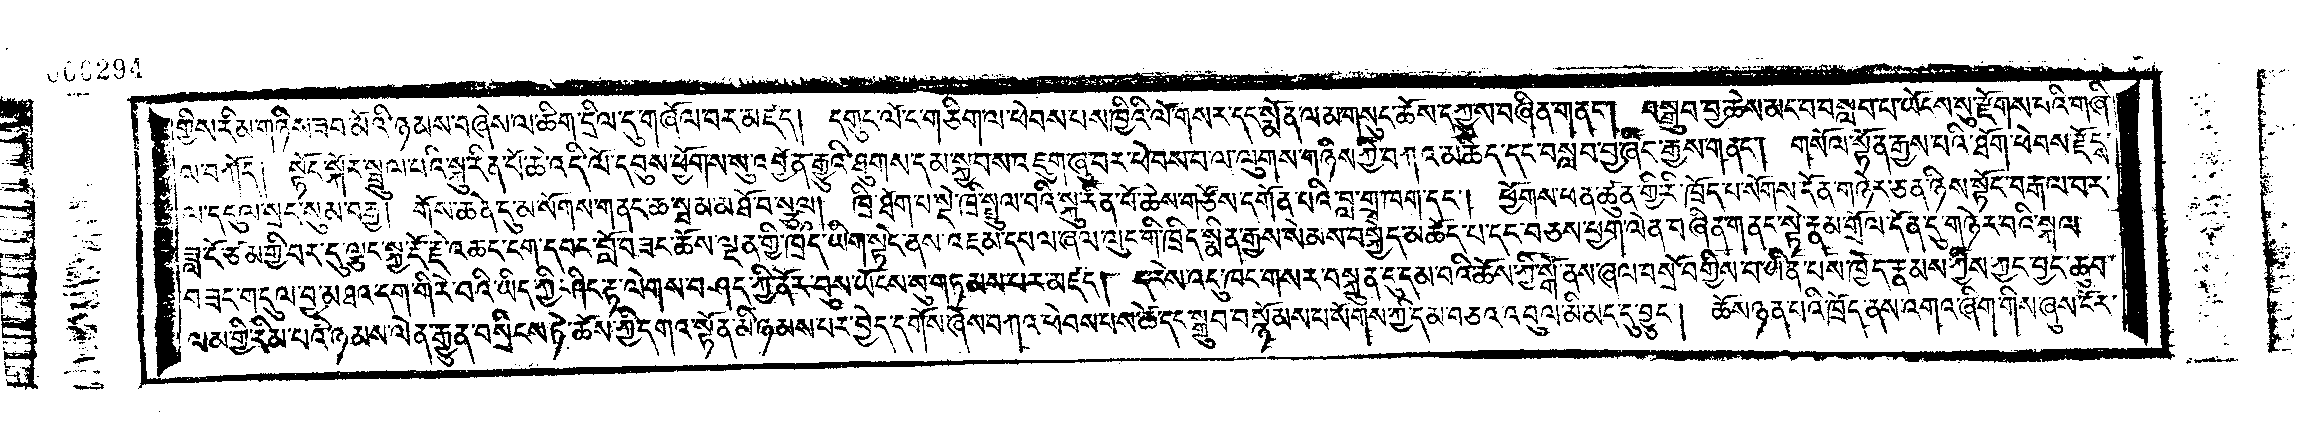གྱིས་རིམ་གཉིས་ཟབ་མོའི་ཉམས་བཞེས་ལ་ཆིག་དྲིལ་དུ་གཞོལ་བར་མཛད། དགུང་ལོ་ང་གཅིག་ལ་ཕེབས་པས་ཁྱིའི་ལོ་གསར་དང་སྨོན་ལམ་གསུང་ཆོས་དཀྱུས་བཞིན་གནང་། བསྒྲུབ་བྱ་ཆེས་མང་པ་བསླབ་པ་ཡོངས་སུ་རྫོགས་པའི་གཞི་
ལ་བཀོད། སྟོང་སྐོར་སྤྲུལ་པའི་སྐུ་རིན་པོ་ཆེ་འདི་ལོ་དབུས་ཕྱོགས་སུ་འབྱོན་རྒྱུའི་ཐུགས་དམ་སྐྱབས་འཇུག་ཞུ་བར་ཕེབས་པ་ལ་ལུགས་གཉིས་ཀྱི་བཀའ་མཆོད་དང་བསླབ་བྱ་ཞིབ་རྒྱས་གནང་། གསོལ་སྟོན་རྒྱས་པའི་ཐོག་ཕེབས་རྫོངས་
ལ་དངུལ་སྲང་སུམ་བརྒྱ། གོས་ཆན་དུ་མ་སོགས་གནང་ཆ་སྦམ་མཐོ་བ་སྩལ། ཁྲི་ཐོག་པ་སྡེ་ཁྲི་སྤྲུལ་པའི་སྐུ་རིན་པོ་ཆེས་གཙོས་དགོན་པའི་བླ་གྲྭ་ཁག་དང་། ཕྱོགས་ཕན་ཚུན་གྱི་རི་ཁྲོད་པ་སོགས་དོན་གཉེར་ཅན་ཉིས་སྟོང་བརྒལ་བར་
ཟླ་ངོ་ཙམ་གྱི་བར་དུ་ལྕང་སྐྱ་རྡོ་རྗེ་འཆང་ངག་དབང་བློ་བཟང་ཆོས་ལྡན་གྱི་ཁྲིད་ཡིག་སྟེང་ནས་འཇམ་དཔལ་ཞལ་ལུང་གི་ཁྲིད་སྨིན་རྒྱས་སེམས་བསྐྱེད་མཆོད་པ་དང་བཅས་ཕྱག་ལེན་བཞིན་གནང་སྟེ་རྣམ་གྲོལ་དོན་དུ་གཉེར་བའི་སྐལ་
བཟང་གདུལ་བྱ་མཐའ་དག་གི་རེ་བའི་ཡིད་ཀྱི་ཤིང་རྟ་ལེགས་བཤད་ཀྱི་ནོར་བུས་ཡོངས་སུ་གཏམས་པར་མཛད། ད་རེས་འདུ་ཁང་གསར་བསྐྲུན་དུ་དམ་པའི་ཆོས་ཀྱི་སྒོ་ནས་ཞལ་བསྲོ་བགྱིས་པ་ཡིན་པས་ཁྱེད་རྣམས་ཀྱིས་ཀྱང་བྱང་ཆུབ་
ལམ་གྱི་རིམ་པའི་ཉམས་ལེན་རྒྱུན་བསྲིངས་ཏེ་ཆོས་ཀྱི་དགའ་སྟོན་མི་ཉམས་པར་བྱེད་དགོས་ཞེས་བཀའ་ཕེབས་པས་ཚེ་དང་སྒྲུབ་པ་སྙོམས་པ་སོགས་ཀྱི་དམ་བཅའ་འབུལ་མི་མང་དུ་བྱུང་། ཆོས་ཉན་པའི་ཁྲོད་ནས་འགའ་ཞིག་གིས་ཞུས་ངོར་